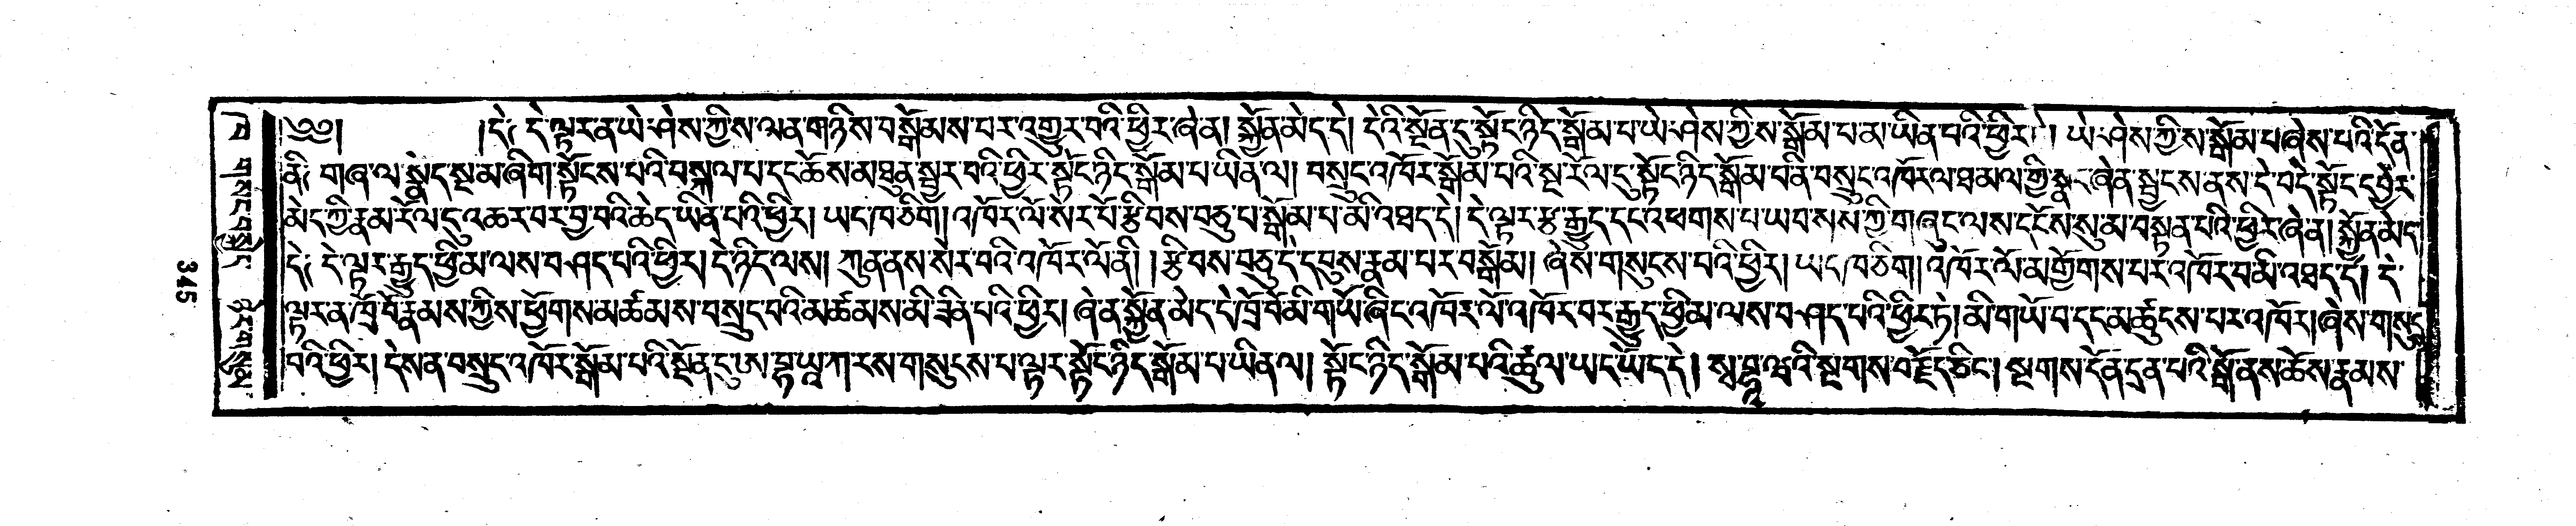༄༅། །དེ༑ དེ་ལྟར་ན་ཡེ་ཤེས་ཀྱིས་ལན་གཉིས་བསྒོམས་པར་འགྱུར་བའི་ཕྱིར་ཞེ་ན། སྐྱོན་མེད་དེ། དེའི་སྔོན་དུ་སྟོང་ཉིད་སྒོམ་པ་ཡེ་ཤེས་ཀྱིས་སྒོམ་པ་མ་ཡིན་པའི་ཕྱིར་ཏེ། ཡེ་ཤེས་ཀྱིས་སྒོམ་བཞེས་པའི་དོན་
ནི༑ གཞལ་སྣོད་སྔམ་ཞིག་སྟོངས་པའི་བསྐལ་བ་དང་ཆོས་མཐུན་སྦྱར་བའི་ཕྱིར་སྟོང་ཉིད་སྒོམ་པ་ཡིན་ལ། བསྲུང་འཁོར་སྒོམ་པའི་སྔ་རོལ་དུ་སྟོང་ཉིད་སྒོམ་པ་ནི་བསྲུང་འཁོར་ལ་ཐ་མལ་གྱི་སྣང་ཞེན་སྦྱངས་ནས་དེ་བདེ་སྟོང་དབྱེར་
མེད་ཀྱི་རྣམ་རོལ་དུ་འཆར་བར་བྱ་བའི་ཆེད་ཡིན་པའི་ཕྱིར། ཡང་ཁ་ཅིག །འཁོར་ལོ་སེར་པོ་རྩིབས་བཅུ་པ་སྒོམ་པ་མི་འཐད་དེ། དེ་ལྟར་རྩ་རྒྱུད་དང་འཕགས་པ་ཡབ་སྲས་ཀྱི་གཞུང་ལས་དངོས་སུ་མ་བསྟན་པའི་ཕྱིར་ཞེ་ན། སྐྱོན་མེད་
དེ༑ དེ་ལྟར་རྒྱུད་ཕྱི་མ་ལས་བཤད་པའི་ཕྱིར། དེ་ཉིད་ལས། ཀུན་ནས་སེར་བའི་འཁོར་ལོ་ནི། །རྩིབས་བཅུད་དབུས་རྣམ་པར་བསྒོམ། ཞེས་གསུངས་པའི་ཕྱིར། ཡང་ཁ་ཅིག །འཁོར་ལོ་མགྱོགས་པར་འཁོར་བ་མི་འཐད་དོ། དེ་
ལྟར་ན་ཁྲོ་བོ་རྣམས་ཀྱིས་ཕྱོགས་མཚམས་བསྲུང་བའི་མཚམས་མི་ཟིན་པའི་ཕྱིར། ཞེ་ན་སྐྱོན་མེད་དེ་ཁྲོ་བོ་མི་གཡོ་ཞིང་འཁོར་ལོ་འཁོར་བར་རྒྱུད་ཕྱི་མ་ལས་བཤད་པའི་ཕྱིར་ཏེ། མི་གཡོ་བ་དང་མཚུངས་པར་འཁོར། ཞེས་གསུངས་
པའི་ཕྱིར། དེས་ན་བསྲུང་འཁོར་སྒོམ་པའི་སྔོན་དུ་ཨ་བྷ་ཡཱ་ཀ་རས་གསུངས་པ་ལྟར་སྟོང་ཉིད་སྒོམ་པ་ཡིན་ལ། སྟོང་ཉིད་སྒོམ་པའི་ཚུལ་ཡང་ཡོད་དེ། སྭ་བྷཱ་ཝའི་སྔགས་བརྗོད་ཅིང་། སྔགས་དོན་དྲན་པའི་སྒོ་ནས་ཆོས་རྣམས་